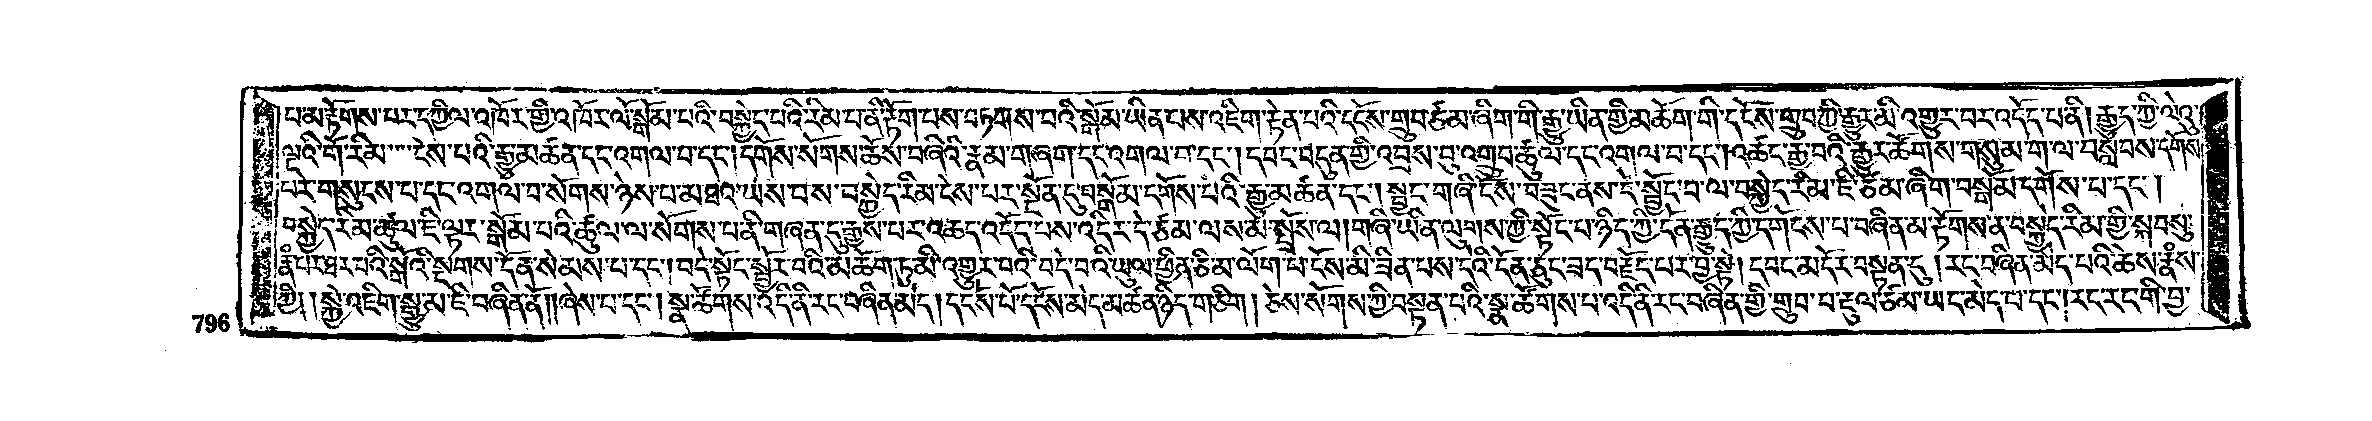པ་མ་རྟོགས་པར་དཀྱིལ་འཁོར་གྱི་འཁོར་ལོ་སྒོམ་པའི་བསྐྱེད་པའི་རིམ་པ་ནི་རྟོག་པས་བཏགས་པའི་སྒོམ་ཡིན་པས་འཇིག་རྟེན་པའི་དངོས་གྲུབ་ཙམ་ཞིག་གི་རྒྱུ་ཡིན་གྱི་མཆོག་གི་དངོས་གྲུབ་ཀྱི་རྒྱུར་མི་འགྱུར་བར་འདོད་པ་ནི། རྒྱུད་ཀྱི་ལེའུ་
ལྔའི་གོ་རིམ་ངེས་པའི་རྒྱུ་མཚན་དང་འགལ་བ་དང་། དགོས་སོགས་ཆོས་བཞིའི་རྣམ་གཞག་དང་འགལ་བ་དང་། དབང་བདུན་གྱི་འབྲས་བུ་འགྲུབ་ཚུལ་དང་འགལ་བ་དང་། འཚང་རྒྱ་བའི་རྒྱུར་ཚོགས་གསུམ་ག་ལ་བསླབས་དགོས་
པར་གསུངས་པ་དང་འགལ་བ་སོགས་ཉེས་པ་མཐའ་ཡས་པས་བསྐྱེད་རིམ་ངེས་པར་སྔོན་དུ་བསྒོམ་དགོས་པའི་རྒྱུ་མཚན་དང་། སྦྱང་གཞི་ངོས་བཟུང་ནས་དེ་སྦྱོང་བ་ལ་བསྐྱེད་རིམ་ཇི་ཙམ་ཞིག་བསྒོམ་དགོས་པ་དང་།
བསྐྱེད་རིམ་ཚུལ་ཇི་ལྟར་སྒོམ་པའི་ཚུལ་ལ་སོགས་པ་ནི་གཞན་དུ་རྒྱས་པར་འཆད་འདོད་པས་འདིར་དེ་ཙམ་ལས་མ་སྤྲོས་ལ། གཞི་ཡིན་ལུགས་ཀྱི་སྟོང་པ་ཉིད་ཀྱི་དོན་རྒྱུད་ཀྱི་དགོངས་པ་བཞིན་མ་རྟོགས་ན་བསྐྱེད་རིམ་གྱི་སྐབས་སུ་
རྣམ་པར་ཐར་པའི་སྒོའི་སྔགས་དོན་སེམས་པ་དང་། བདེ་སྟོང་སྦྱོར་བའི་མཆོག་ཏུ་མི་འགྱུར་བའི་བདེ་བའི་ཡུལ་ཕྱིན་ཅི་མ་ལོག་པ་ངོས་མི་ཟིན་པས་དེའི་དོན་ཅུང་ཟད་བརྗོད་པར་བྱ་སྟེ། དབང་མདོར་བསྟན་དུ། རང་བཞིན་མེད་པའི་ཆོས་རྣམས་ཀྱི། །སྐྱེ་འཇིག་སྒྱུ་མ་ཇི་བཞིན་ནོ། །ཞེས་པ་དང་། སྣ་ཚོགས་འདི་ནི་རང་བཞིན་མེད། དངོས་པོ་དངོས་མེད་མཚན་ཉིད་གཅིག །ཅེས་སོགས་ཀྱི་བསྟན་པའི་སྣ་ཚོགས་པ་འདི་ནི་རང་བཞིན་གྱི་གྲུབ་པ་རྡུལ་ཙམ་ཡང་མེད་པ་དང་། རང་རང་གི་བྱ་